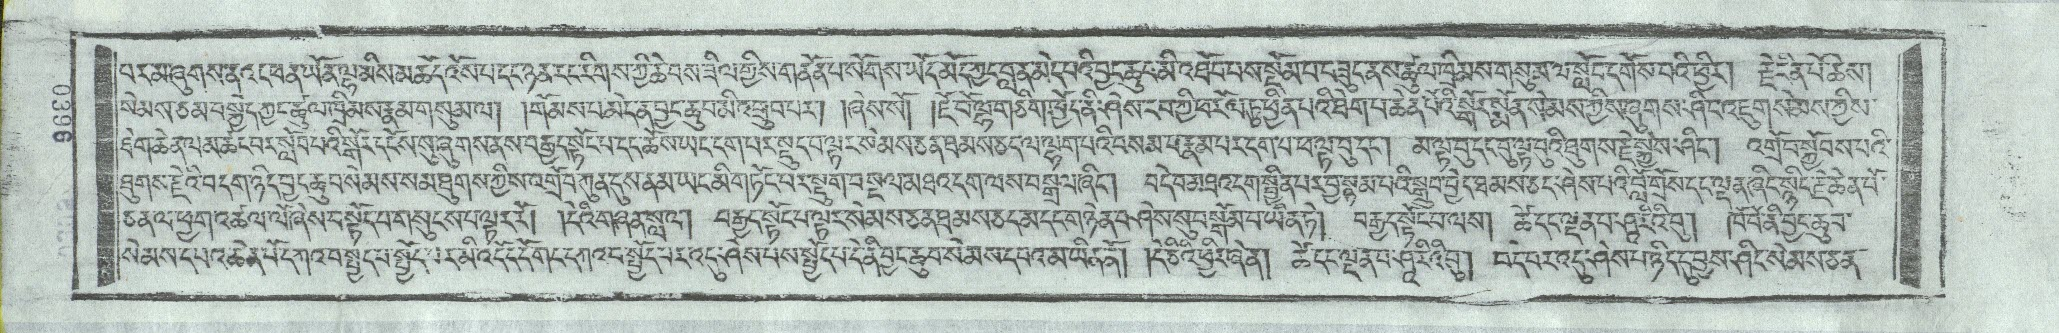པར་མ་ཞུགས་ནའང་ཕན་ཡོན་ལྷ་མིས་མཆོད་འོས་པ་དང་ཉན་རང་རིགས་ཀྱི་ཆེ་བས་ཟིལ་གྱིས་གནོན་པ་སོགས་ཡོད་མོད་ཀྱང་བླ་ན་མེད་པའི་བྱང་ཆུབ་མི་འཐོབ་པས་སྡོམ་པ་བཟུང་ནས་ཚུལ་ཁྲིམས་གསུམ་ལ་སློབ་དགོས་པའི་ཕྱིར། རྗེ་རིན་པོ་ཆེས།
སེམས་ཅམ་བསྐྱེད་ཀྱང་ཚུལ་ཁྲིམས་རྣམ་གསུམ་ལ། །གོམས་པ་མེད་ན་བྱང་ཆུབ་མི་འགྲུབ་པར། །ཞེས་སོ། །ཇོ་བོ་ལྷ་གཅིག་ཁྱོད་ནི་ཤེས་རབ་ཀྱི་ཕ་རོལ་ཏུ་ཕྱིན་པའི་ཐེག་པ་ཆེན་པོའི་སྒོར་སྨོན་སེམས་ཀྱིས་ཞུགས་ཤིང་འཇུག་སེམས་ཀྱིས་
ཐེག་ཆེན་ལམ་ཚང་བར་སློབ་པའི་སྒོང་དངོས་སུ་ཞུགས་ནས་བརྒྱད་སྟོང་པ་དད་ཆོས་ཡང་དག་པར་སྡུད་པ་ལྟར་སེམས་ཅན་ཐམས་ཅད་ལ་ལྷག་པའི་བསམ་པ་རྣམ་པར་དག་པ་ཕ་ལྟ་བུ་དང་། མ་ལྟ་བུ་དང་བུ་ལྟ་བུའི་ཐུགས་རྗེ་སྐྱེས་ཤིང་། འགྲོ་བ་སྐྱོབས་པའི་
ཐུགས་རྗེའི་བདག་ཉིད་བྱང་ཆུབ་སེམས་མ་ཐུགས་ཀྱིས་འགྲོ་བ་ཀུན་དུས་ནམ་ཡང་མི་གཏོང་པར་སྡུག་བསྔལ་མཐའ་དག་ལས་བསྒྲལ་ཞིང་། བདེ་བ་མཐའ་དག་སྦྱིན་པར་བྱ་སྙམ་པའི་སྒྲུབ་བྱེད་ཐམས་ཅད་ཤེས་པའི་བློ་གྲོས་དང་ལྡན་ཞིང་སྙིང་རྗེ་ཆེན་པོ་
ཅན་ལ་ཕྱག་འཚལ་ལོ་ཞེས་བསྟོད་པ་གསུངས་པ་ལྟར་རོ། །དེའི་གཞན་སླ་ལ། བརྒྱད་སྟོང་པ་ལྟར་སེམས་ཅན་ཐམས་ཅད་མ་དང་གཉེན་བཤེས་སུ་བསྒོམ་པ་ཡིན་ཏེ། བརྒྱད་སྟོང་པ་ལས། ཚེ་དང་ལྡན་པ་ཤཱ་རིའི་བུ། ཁོ་བོ་ནི་བྱང་ཆུབ་
སེམས་དཔའ་ཆེན་པོ་དཀའ་བ་སྤྱད་པ་སྤྱོད་པར་མི་འདོད་དོ་གང་དཀའ་སྤྱོད་པར་འདུ་ཤེས་པས་སྤྱོད་པ་དེ་ནི་བྱང་ཆུབ་སེམས་དཔའ་མ་ཡིན་ནོ། །དེ་ཅིའི་ཕྱིར་ཞེ་ན། ཚེ་དང་ལྡན་པ་ཤཱ་རིའི་བུ། བདེ་བར་འདུ་ཤེས་པ་ཉིད་དུ་བྱས་ཤིང་སེམས་ཅན་